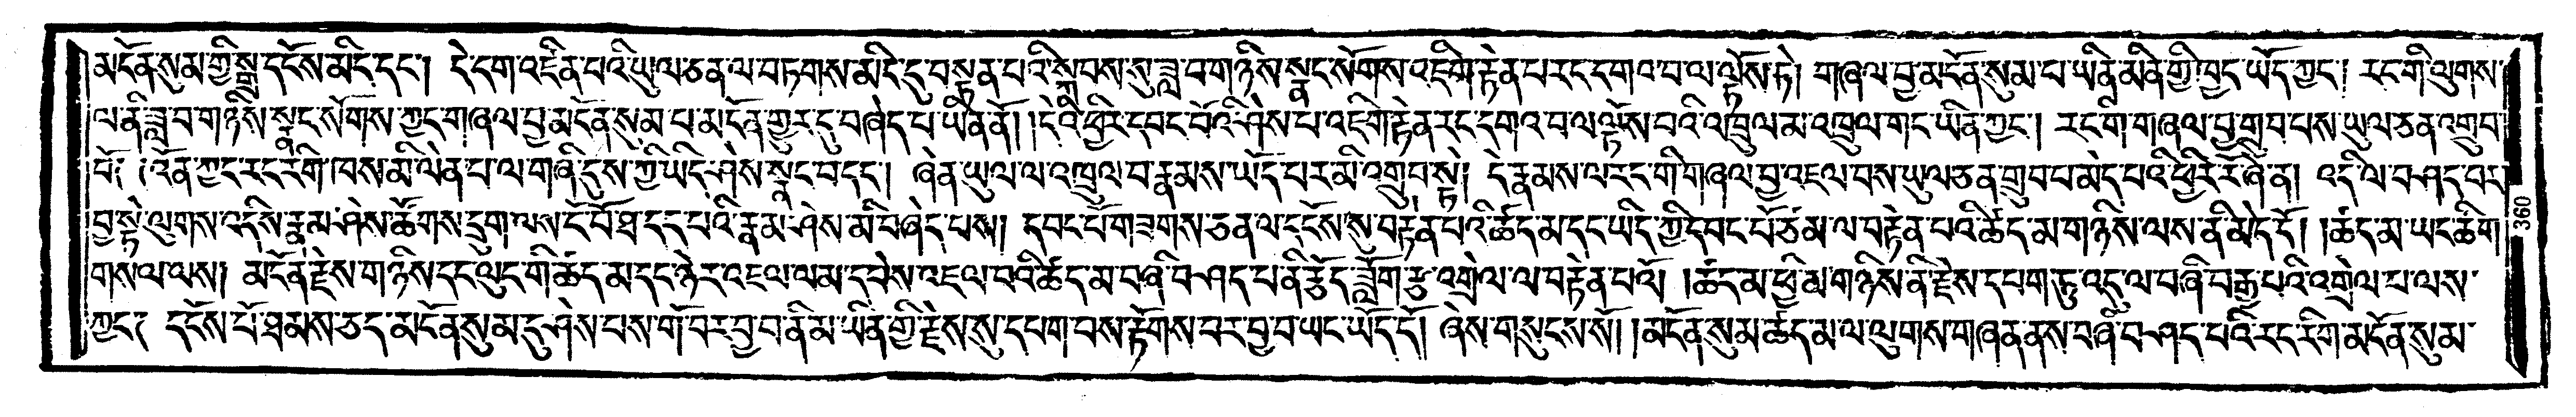མངོན་སུམ་གྱི་སྒྲ་དངོས་མིང་དང་། དེ་དག་འཛིན་པའི་ཡུལ་ཅན་ལ་བཏགས་མིང་དུ་བསྟན་པའི་སྐབས་སུ་ཟླ་བ་གཉིས་སྣང་སོགས་འཇིག་རྟེན་པ་རང་དགའ་བ་ལ་ལྟོས་ཏེ། གཞལ་བྱ་མངོན་སུམ་པ་ཡིན་མིན་གྱི་ཁྱད་ཡོད་ཀྱང་། རང་གི་ལུགས་
ལ་ནི་ཟླ་བ་གཉིས་སྣང་སོགས་ཀྱང་གཞལ་བྱ་མངོན་སུམ་པ་མངོན་གྱུར་དུ་བཞེད་པ་ཡིན་ནོ། །དེའི་ཕྱིར་དབང་པོའི་ཤེས་པ་འཇིག་རྟེན་རང་དགའ་བ་ལ་ལྟོས་པའི་འཁྲུལ་མ་འཁྲུལ་གང་ཡིན་ཀྱང་། རང་གི་གཞལ་བྱ་གྲུབ་པས་ཡུལ་ཅན་འགྲུབ་
བོ༑ ༑འོན་ཀྱང་རང་རིག་ཁས་མི་ལེན་པ་ལ་གཞི་དུས་ཀྱི་ཡིད་ཤེས་སྣང་བ་དང་། ཞེན་ཡུལ་ལ་འཁྲུལ་བ་རྣམས་ཡོད་པར་མི་འགྲུབ་སྟེ། དེ་རྣམས་ལ་རང་གི་གཞལ་བྱ་འཇལ་བས་ཡུལ་ཅན་གྲུབ་པ་མེད་པའི་ཕྱིར་རོ་ཞེ་ན། འདི་ལ་བཤད་པར་
བྱ་སྟེ་ལུགས་འདིས་རྣམ་ཤེས་ཚོགས་དྲུག་ལས་ངོ་བོ་ཐ་དད་པའི་རྣམ་ཤེས་མི་བཞེད་པས། དབང་པོ་གཟུགས་ཅན་ལ་དངོས་སུ་བརྟེན་པའི་ཚད་མ་དང་ཡིད་ཀྱི་དབང་པོ་ཙམ་ལ་བརྟེན་པའི་ཚད་མ་གཉིས་ལས་ནི་མེད་དོ། །ཚད་མ་ཡང་ཚིག་
གསལ་ལས། མངོན་རྗེས་གཉིས་དང་ལུང་གི་ཚད་མ་དང་ཉེར་འཇལ་ལམ་དཔེས་འཇལ་བའི་ཚད་མ་བཞི་བཤད་པ་ནི་རྩོད་ཟློག་རྩ་འགྲེལ་ལ་བརྟེན་པའོ། །ཚད་མ་ཕྱི་མ་གཉིས་ནི་རྗེས་དཔག་ཏུ་འདུ་ལ་བཞི་བརྒྱ་པའི་འགྲེལ་པ་ལས་
ཀྱང༑ དངོས་པོ་ཐམས་ཅད་མངོན་སུམ་དུ་ཤེས་པས་གོ་བར་བྱ་བ་ནི་མ་ཡིན་གྱི་རྗེས་སུ་དཔག་པས་རྟོགས་པར་བྱ་བ་ཡང་ཡོད་དོ། ཞེས་གསུངས་སོ། །མངོན་སུམ་ཚད་མ་ལ་ལུགས་གཞན་ནས་བཞི་བཤད་པའི་རང་རིག་མངོན་སུམ་